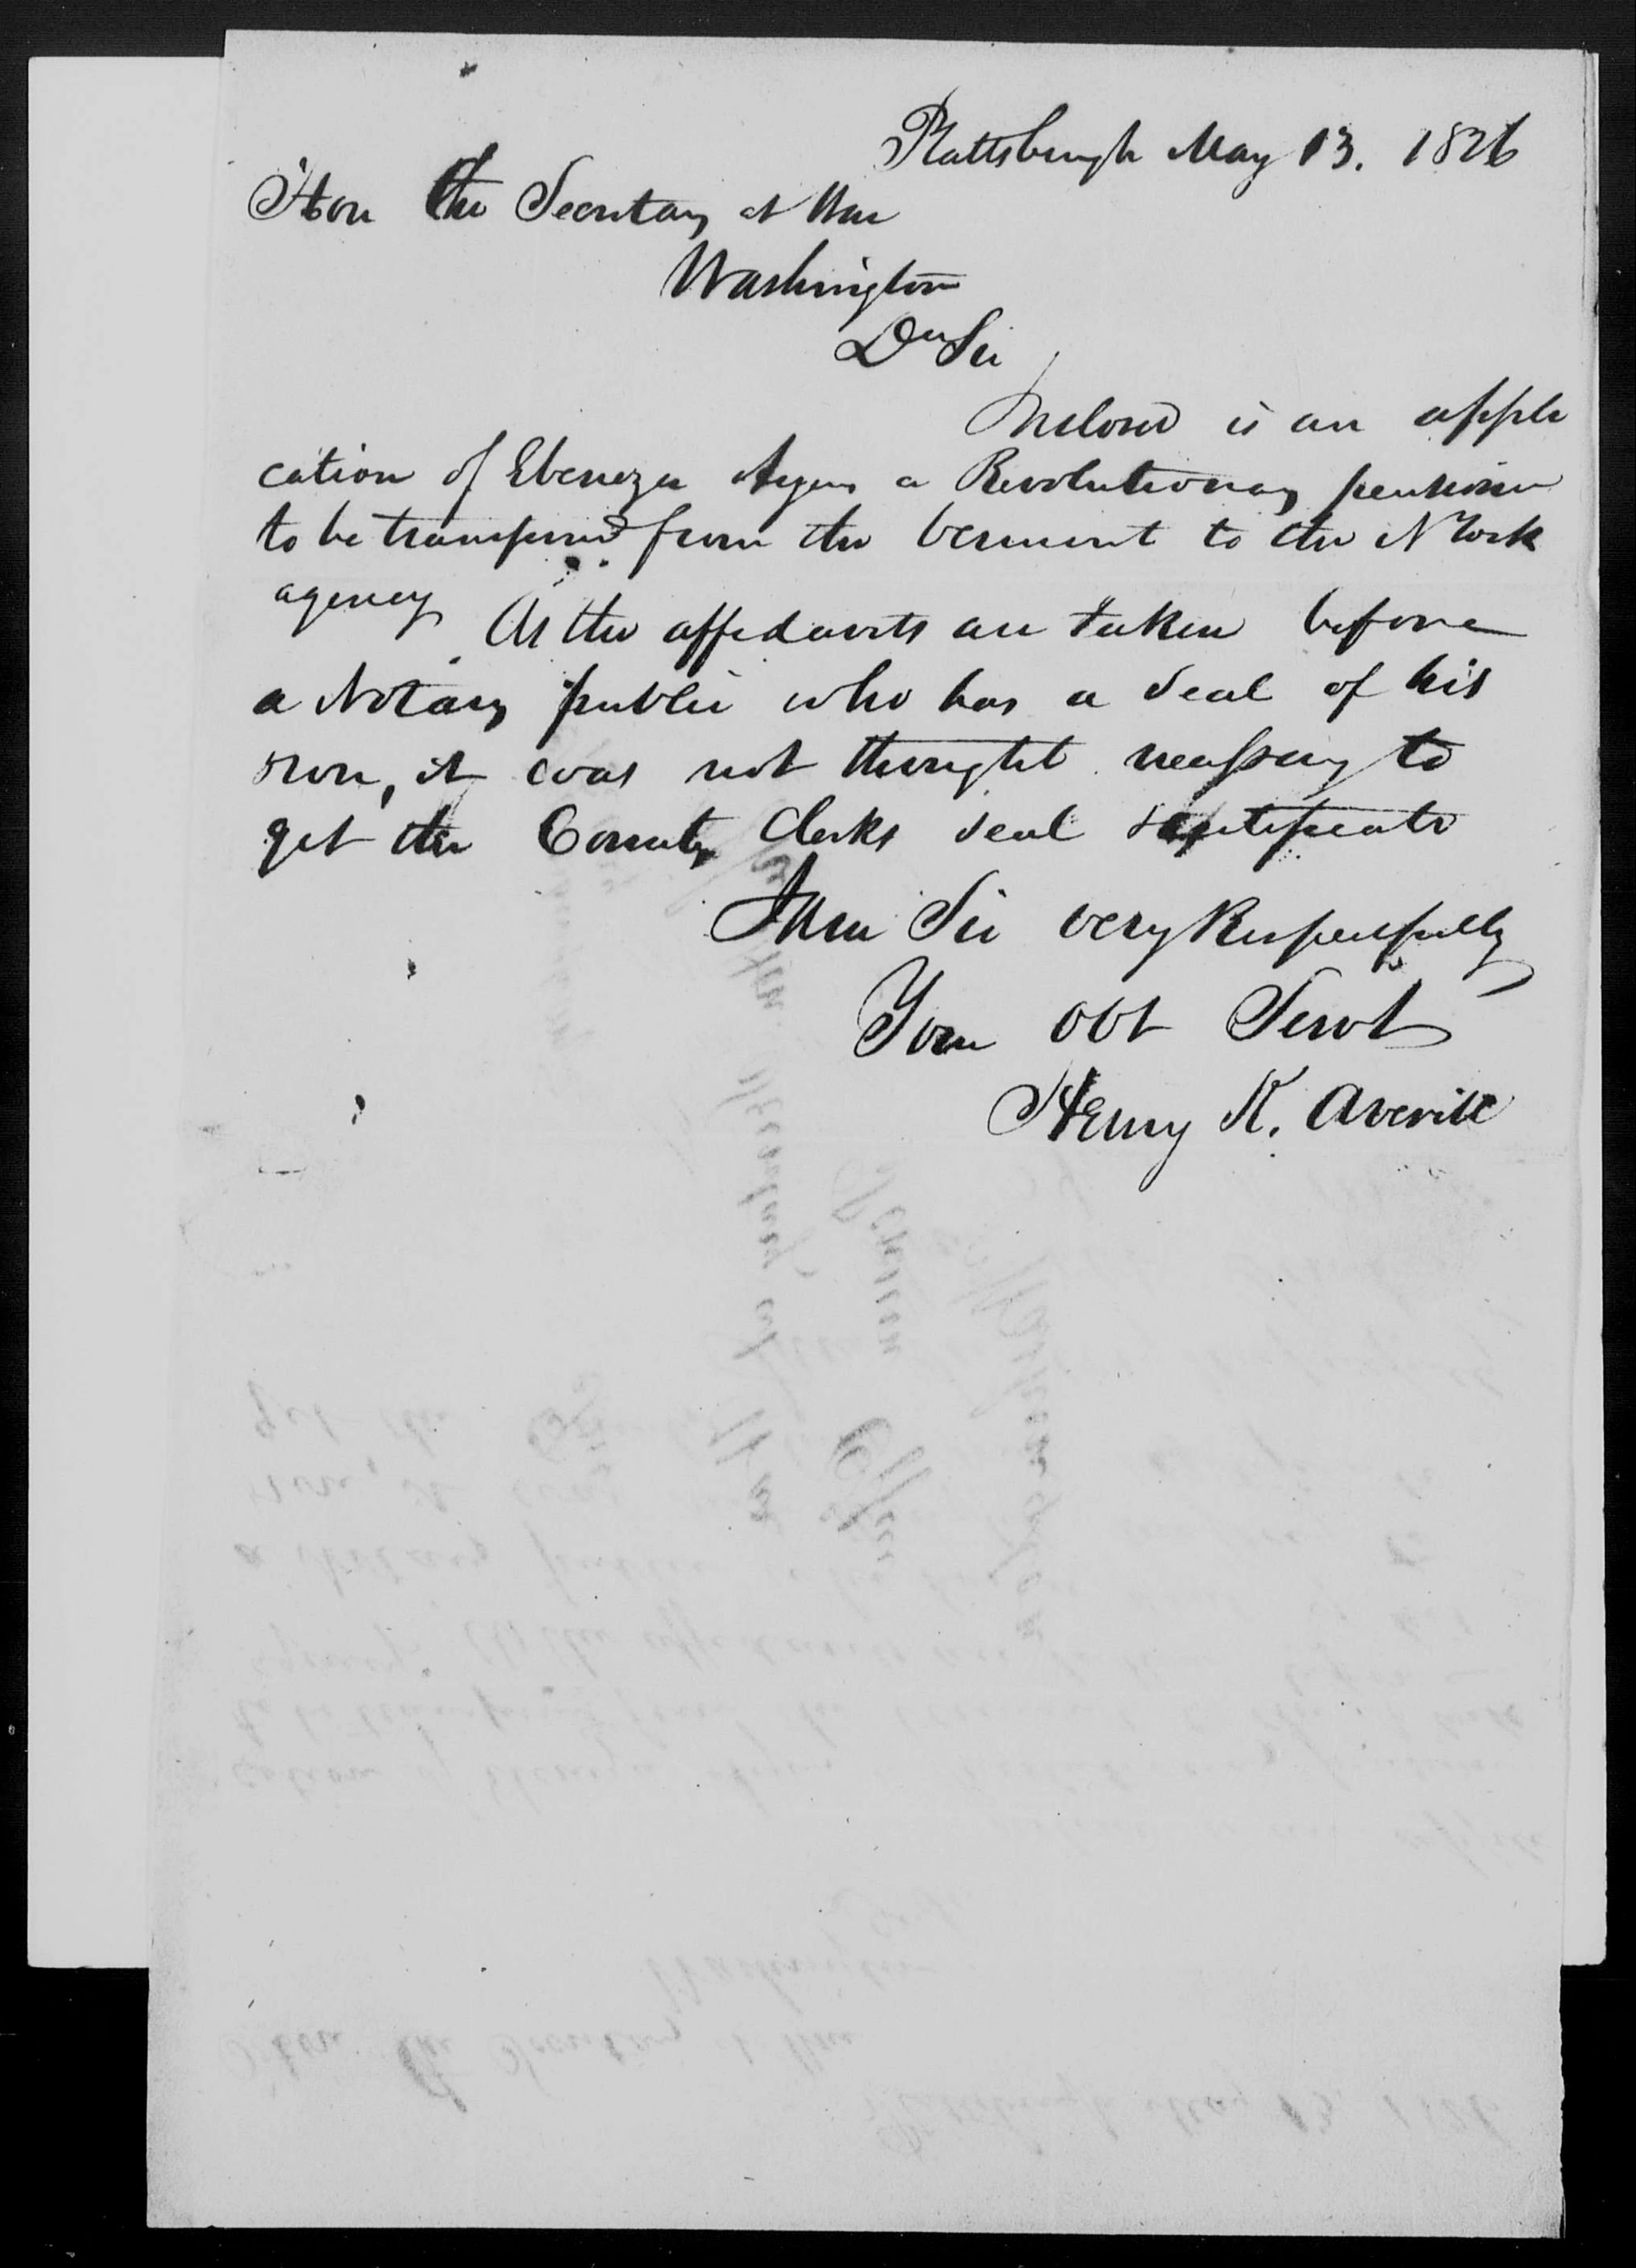Plattsburgh May 13, 1826
Hon the Secretary at War
Washington DC
Sir
Inclosed [enclosed] is an application of Ebenezer Ayers a Revolutionary pensioner to be transferred from the Vermont to the N York agency
As the affidavits are taken before a Notary public who has a seal of his own, it was not thought necessary to get the County Clerks seal & certificate
I am Sir very Respectfully
Your obt Servt
Henry K. Averill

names: Henry K Averill, Ebenezer Ayers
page: 33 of 50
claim: widow's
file: W. 8559, Ebenezer Ayer, Continental (Conn)